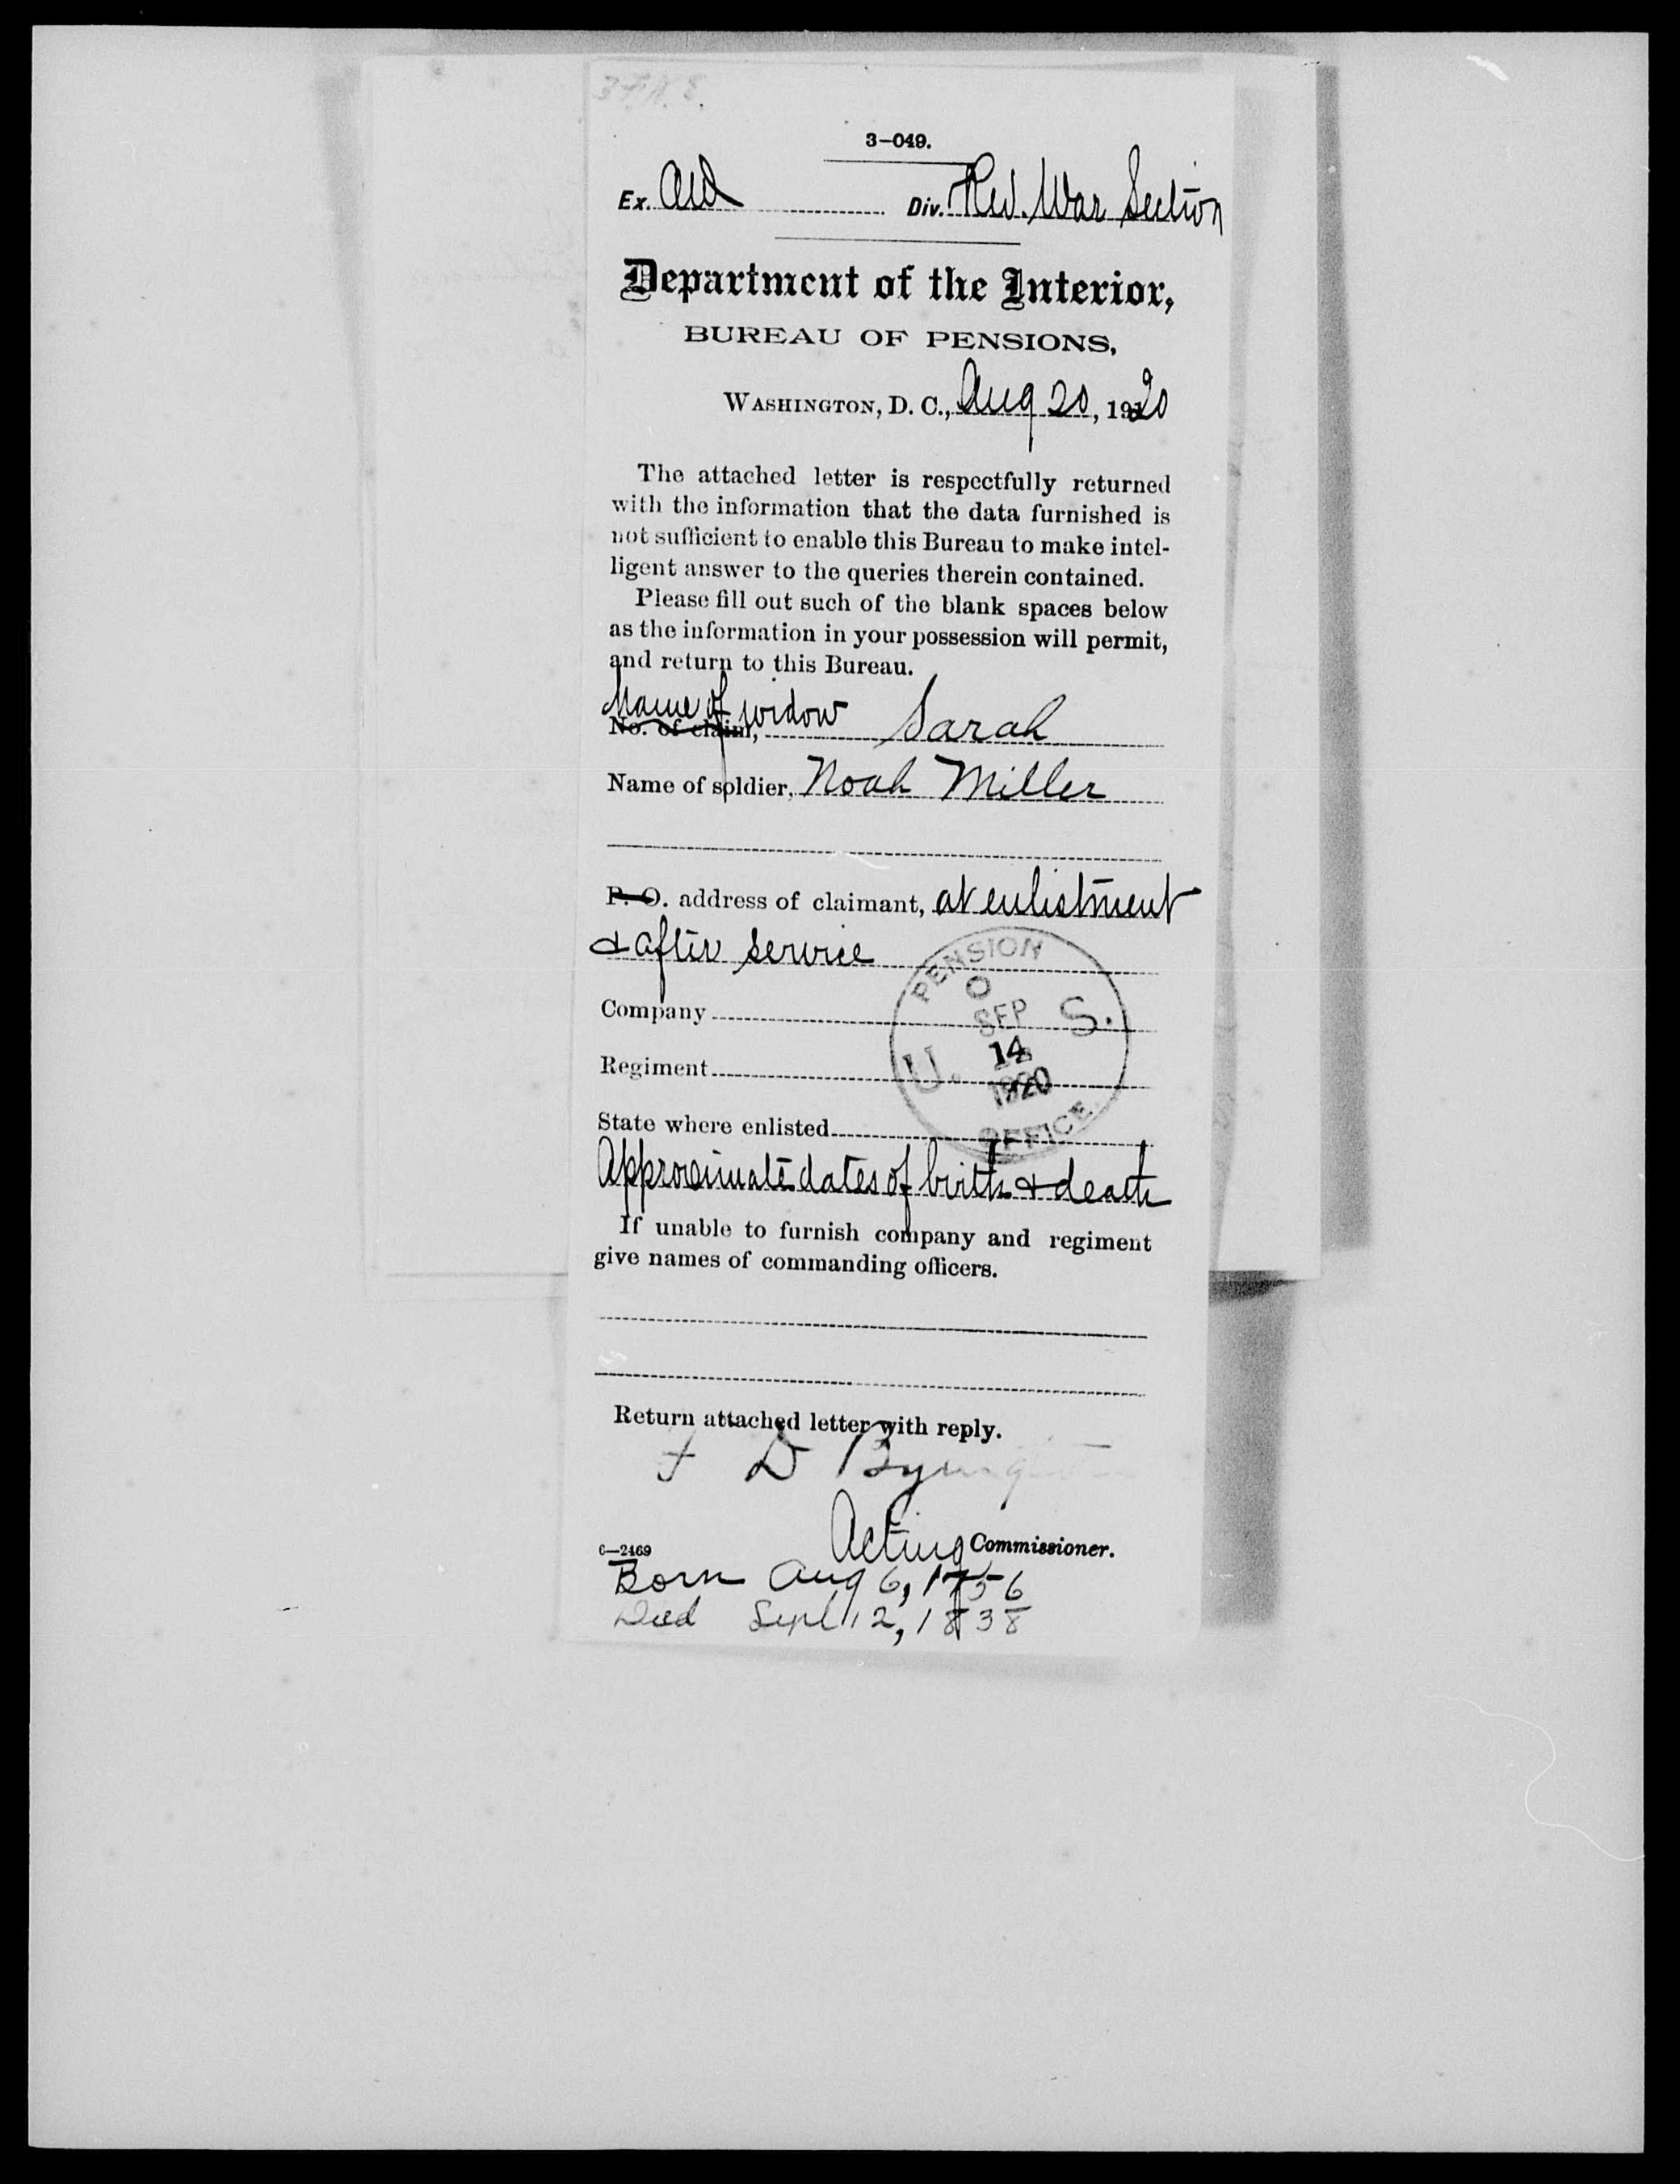3-049
Ex. OLD
Div. Rev War Section

DEPARTMENT OF THE INTERIOR
BUREAU OF PENSIONS

WASHINGTON, D.C. Aug 20, 1920

The attached letter is respectfully returned with the information that the date furnished is not sufficient to enable this Bureau to make intelligent answer to the queries therein contained.  

Please fill out such of the blank spaces below as the information in your possession will permit, and return to this Bureau.

Name of Widow  Sarah
Name of soldier  Noah Miller

address of claimant, at enlistment & after service

If unable to furnish company and regiment give names of commanding officers.

Return attached letter with reply.

F.D. Byington
Acting Commissioner.

Born Aug 5,1756
Died April 12, 1838
C-2469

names: F D Byington; Noah Miller; Sarah Miller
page: 17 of 20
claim: survivor's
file: S. 36129, for Noah Miller, New Jersey